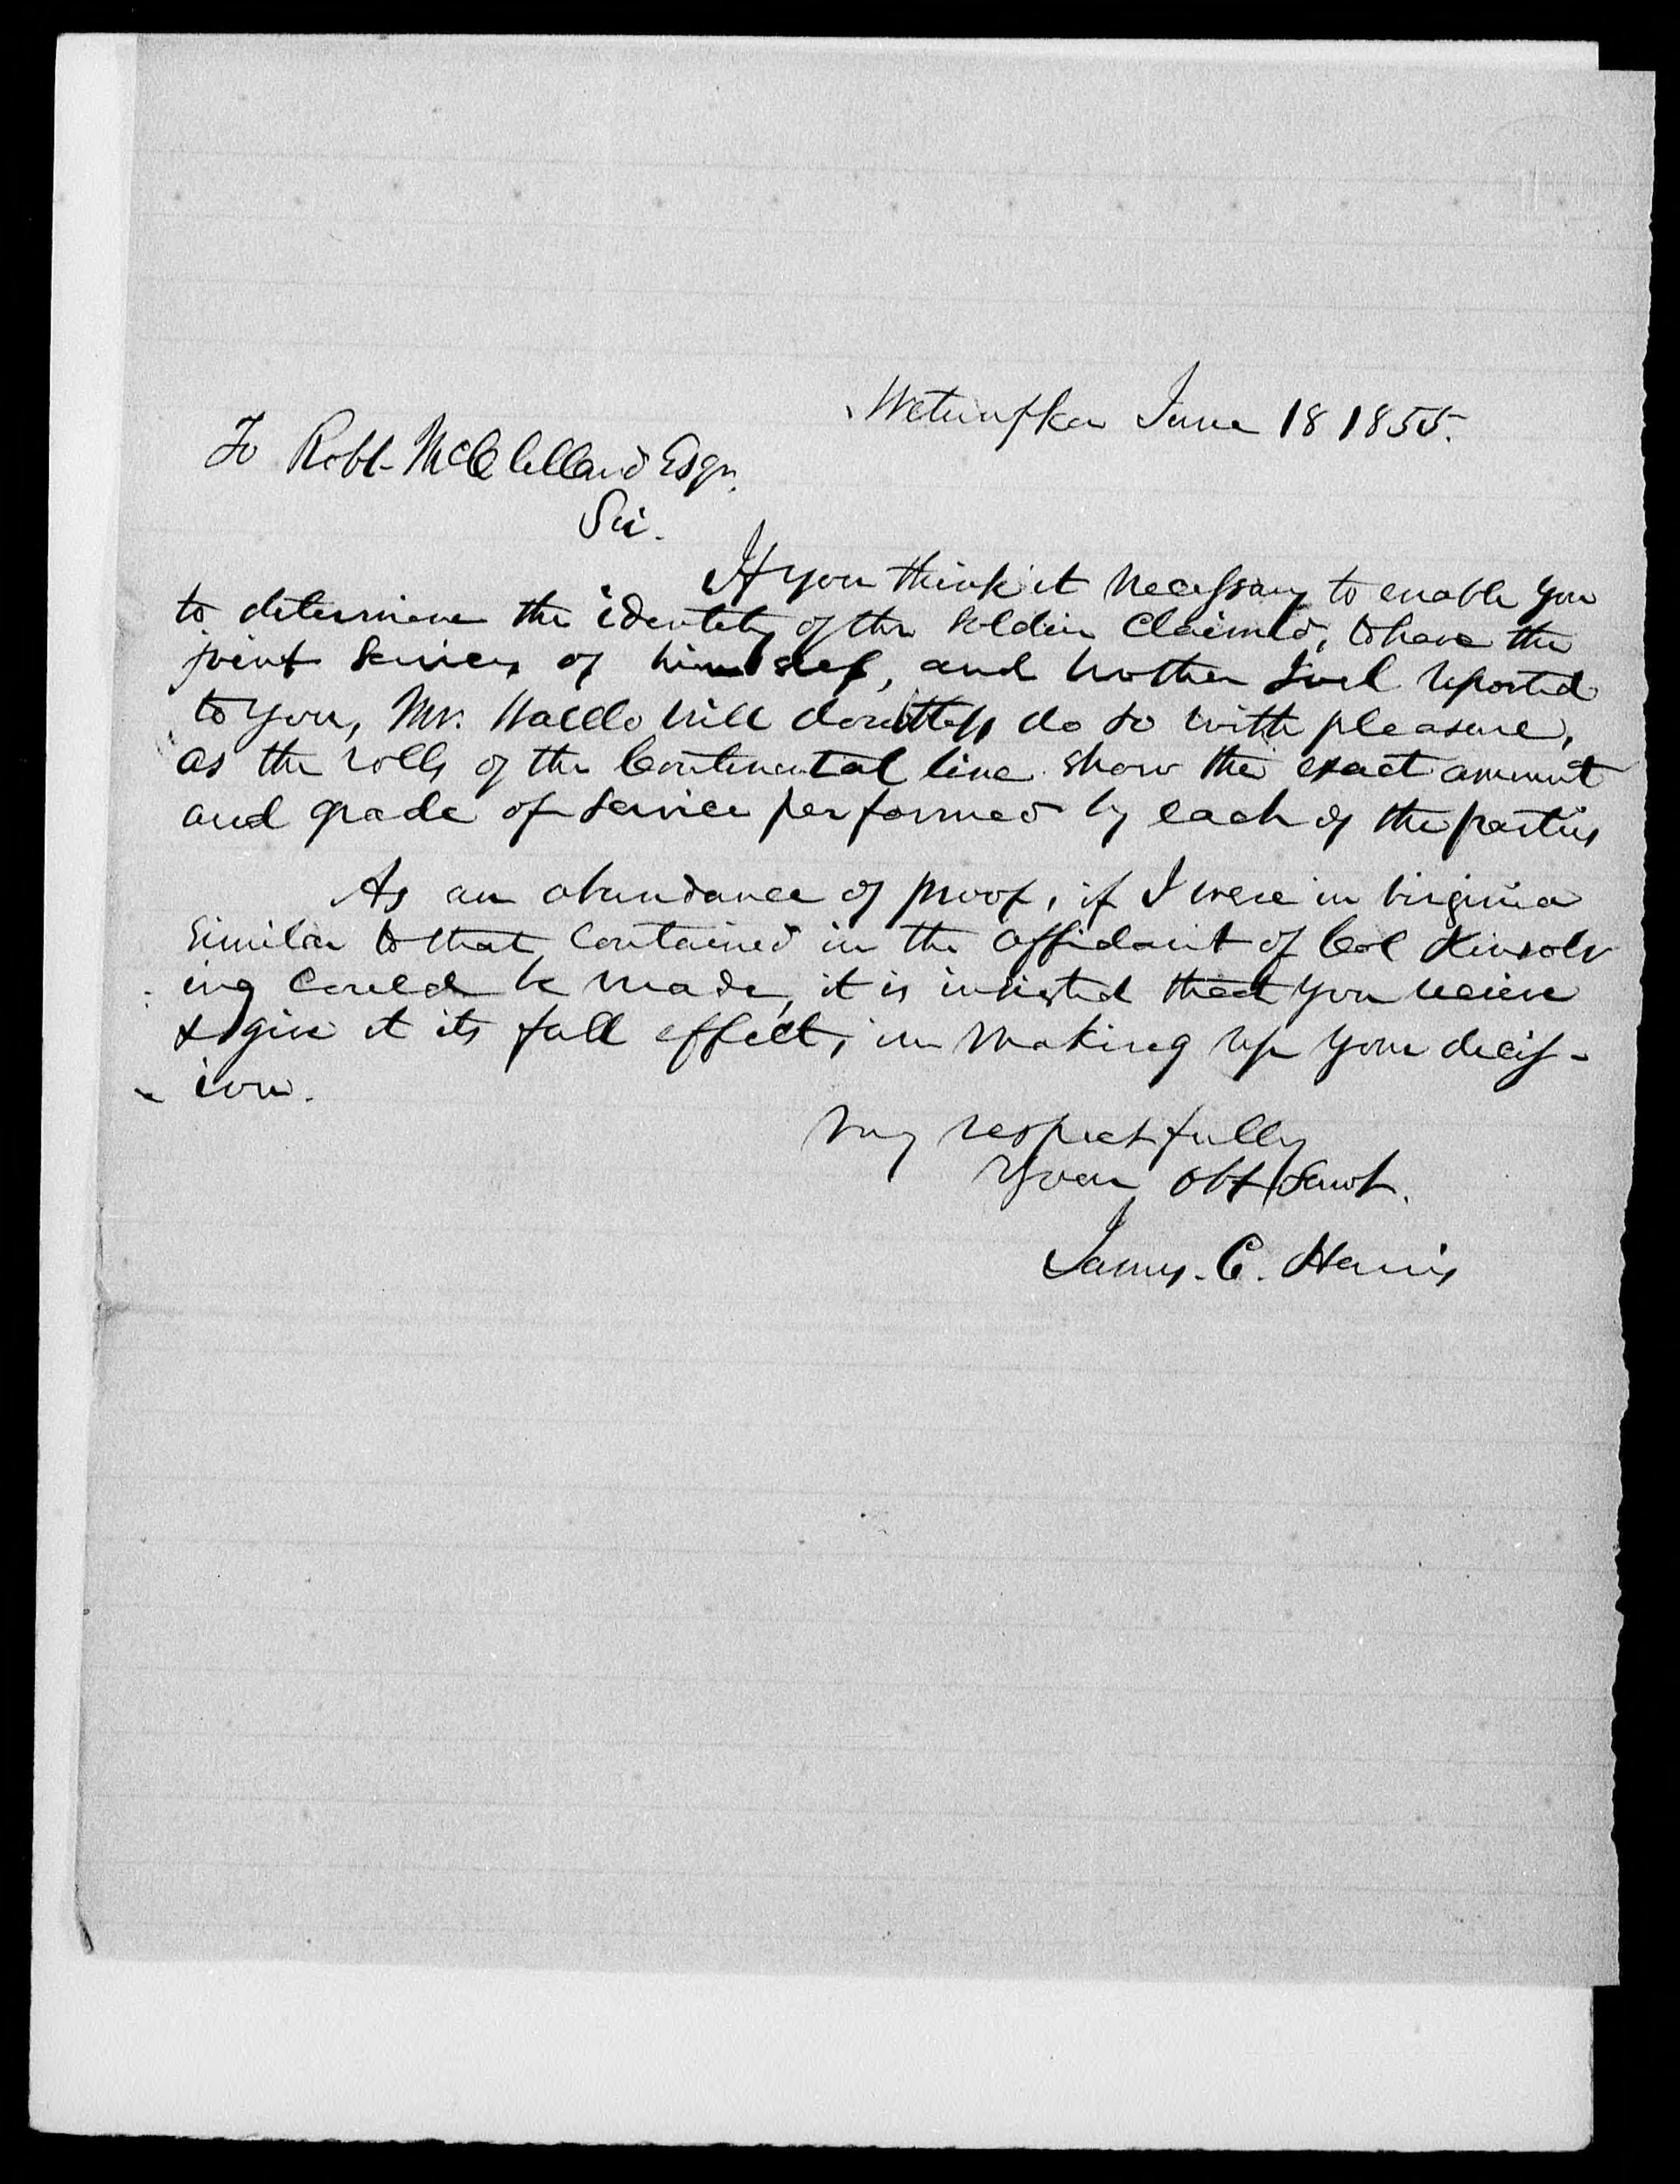Wetumpka June 18 1855

To Robt McClelland Esqr.
Sir.
If you think it necessary to enable you to determine the identity of the soldier claimed & have the joint services of himself and brother Joel reported to you, Mr. Waldo will [?] do so with pleasure, as the rolls of the Continental line show the exact amount and grade of service performed by each of the parties.
As an abundance of proof, if [?] in Virginia similar to that contained in the affidavit of Col Kinsolving could be made, it is [?] that you receive & give it its full effect, in making up your decision.
Very respectfully
Your obt Servt
James C. Harris.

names: Joel, Robt Mc Clelland, James C Harris, Kinsolving, Waldo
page: 83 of 160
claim: rejected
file: R. 4666, James Harris, Va.